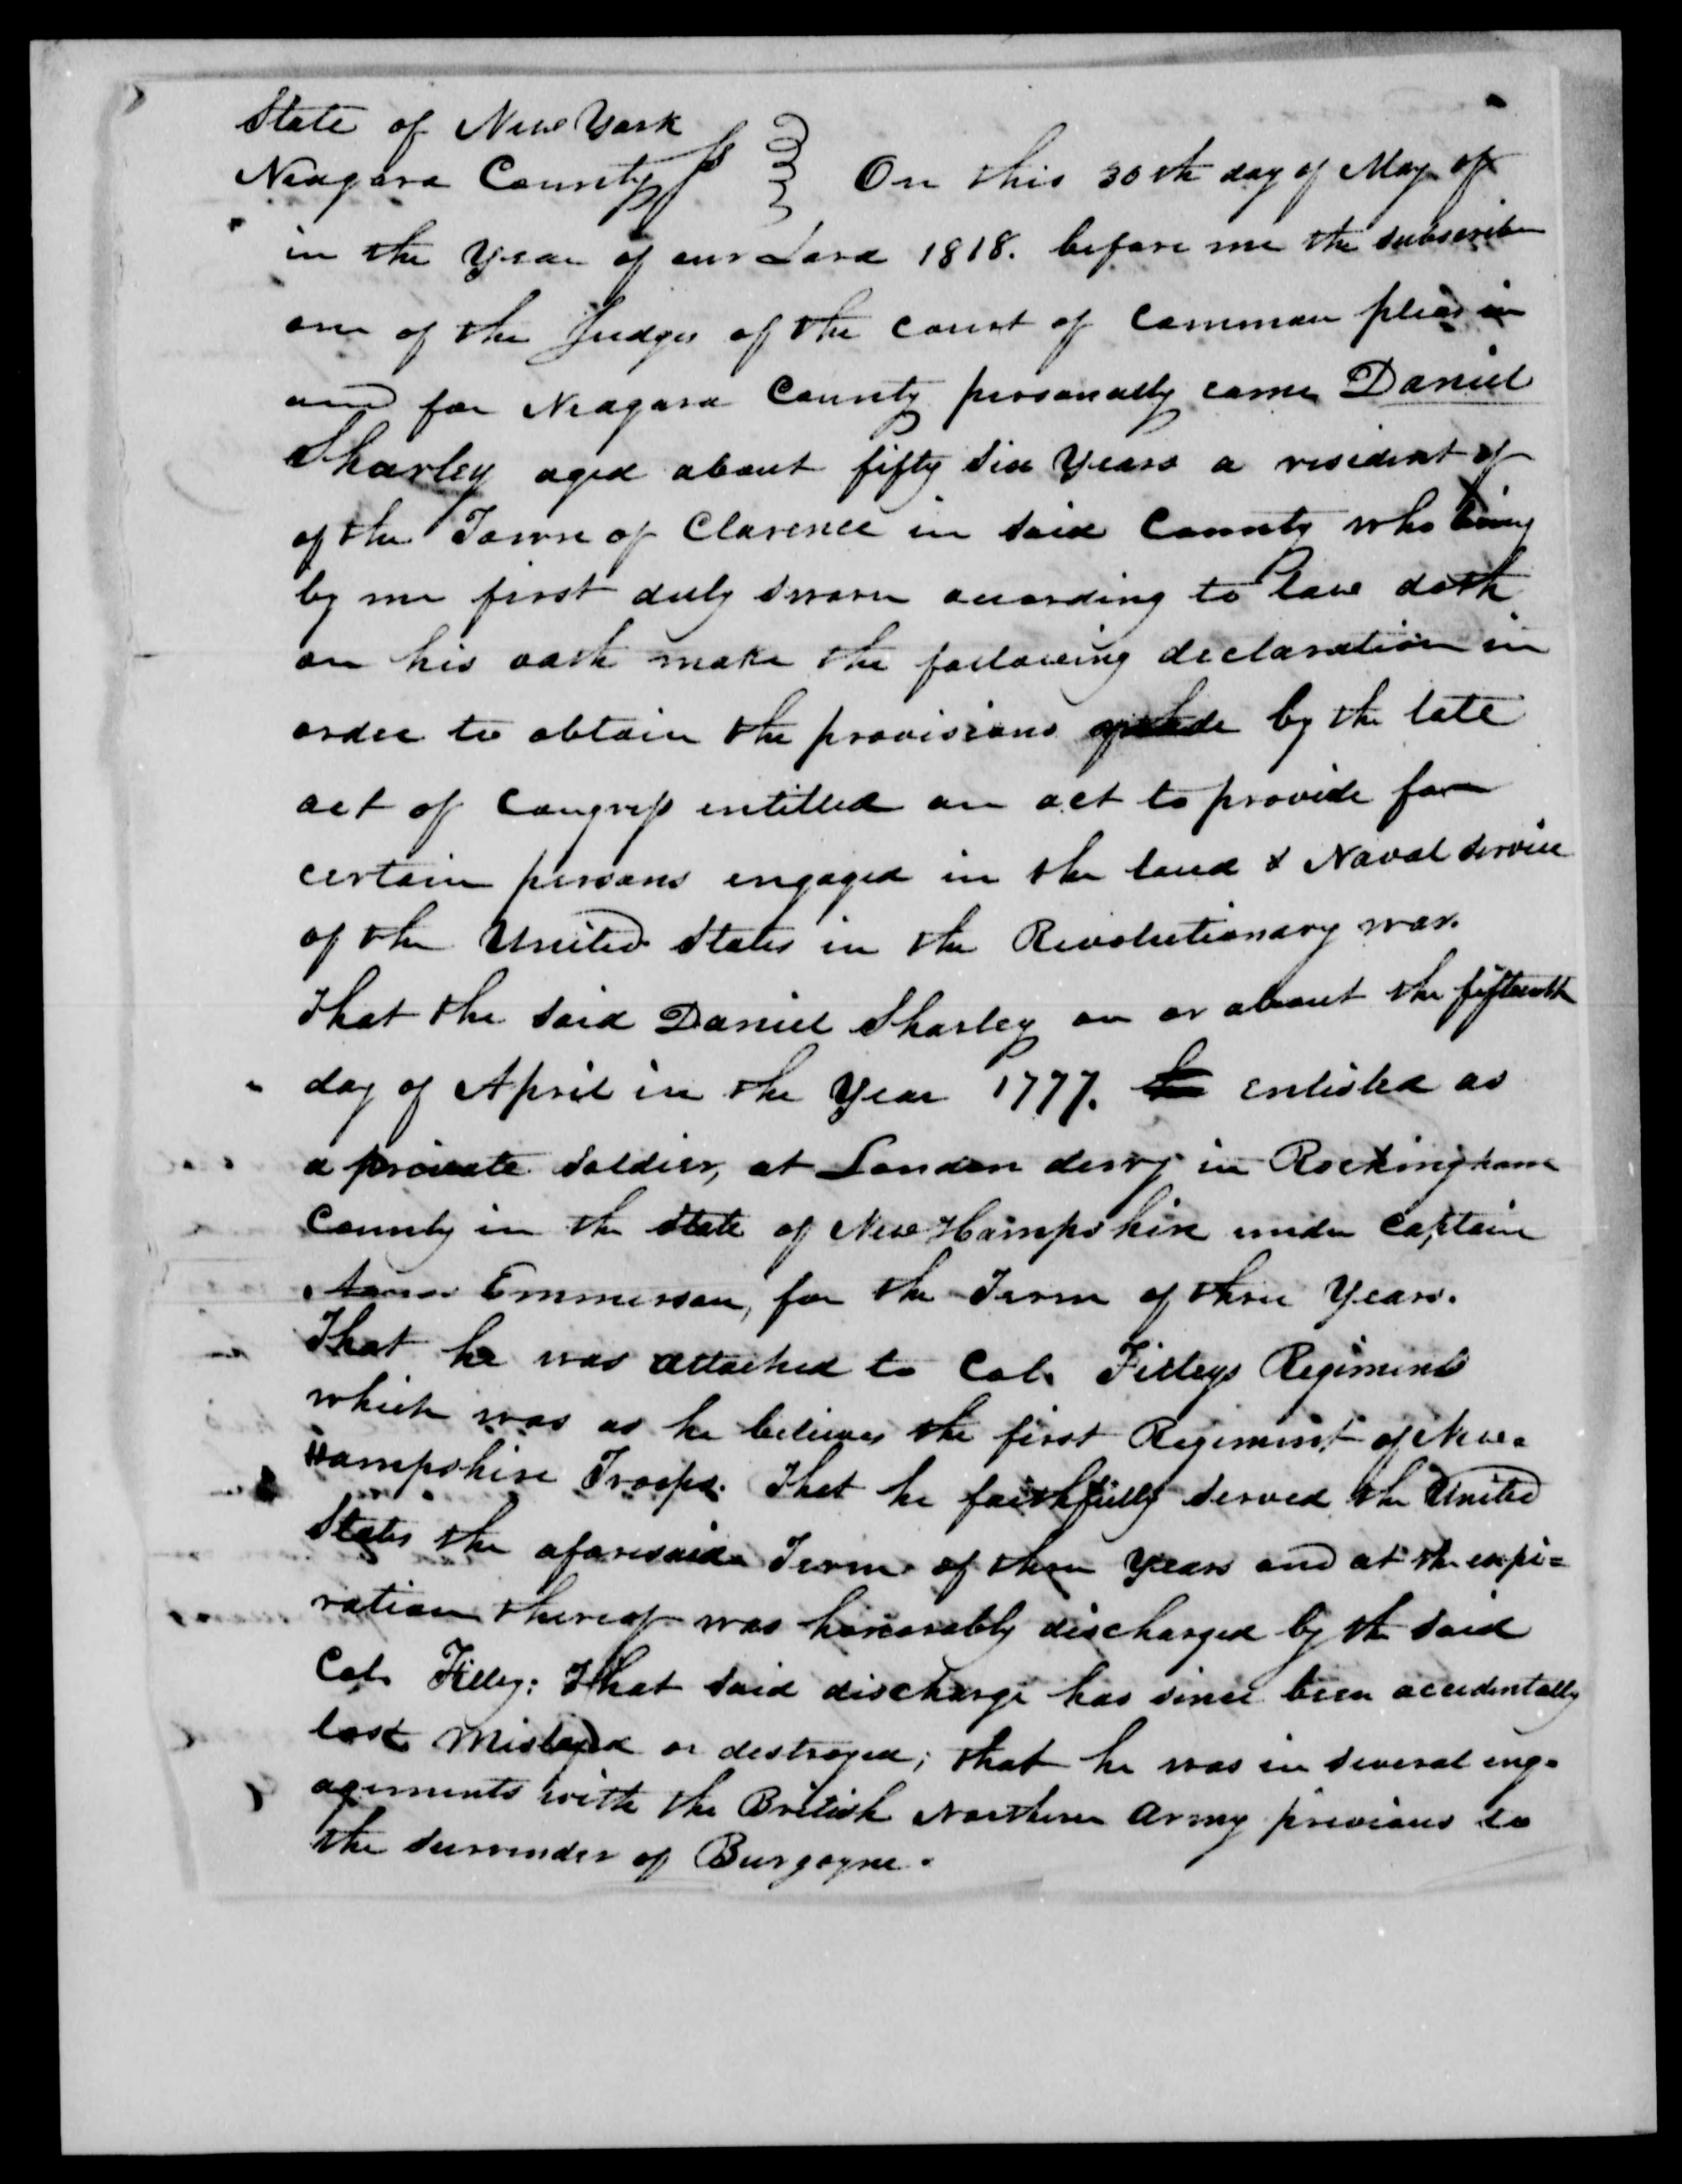State of New York              )
Niagara County   fs.           )

On this 30th day of May of in the year of our Lord 1818 before me the subscriber one of the Judges of the Court of common Pleas in and for Niagara County personally came Daniel Shirley aged about fifty six years a resident of of the Town of Clarence in Said County who being by me first duly sworn according to law doth on his oath make the following declaration in order to obtain the provisions made by the late act of Congrefs entitled an act to provide for certain persons engaged in the land & Naval Service of the United States in the Revolutionary war.

That the Said Daniel Shirley on or about the fifteenth day of April in the Year 1777 enlisted as a private Soldier at Londonderry in Rockingham County in the State of New Hampshire under Captain Amos Emmerson, for the Term of three years.  That he was attached to Col. Filleys Regiment which was as he believes the first Regiment of New Hampshire Troops.  That he faithfully served the United States the aforesaid Term of three years and at the expiration thereof was honorably discharged by the Said Cap. Filly;  That Said discharge has since been accidentally lost mislaid or destroyed;  that he was in several engagements with the British Northern Army previous to the surrender of Burgoyne.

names: Daniel Sharley; [BLANK] Filly; Daniel Sharley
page: 5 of 20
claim: survivor's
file: S. 40412, for Daniel Shirley, New Hampshire